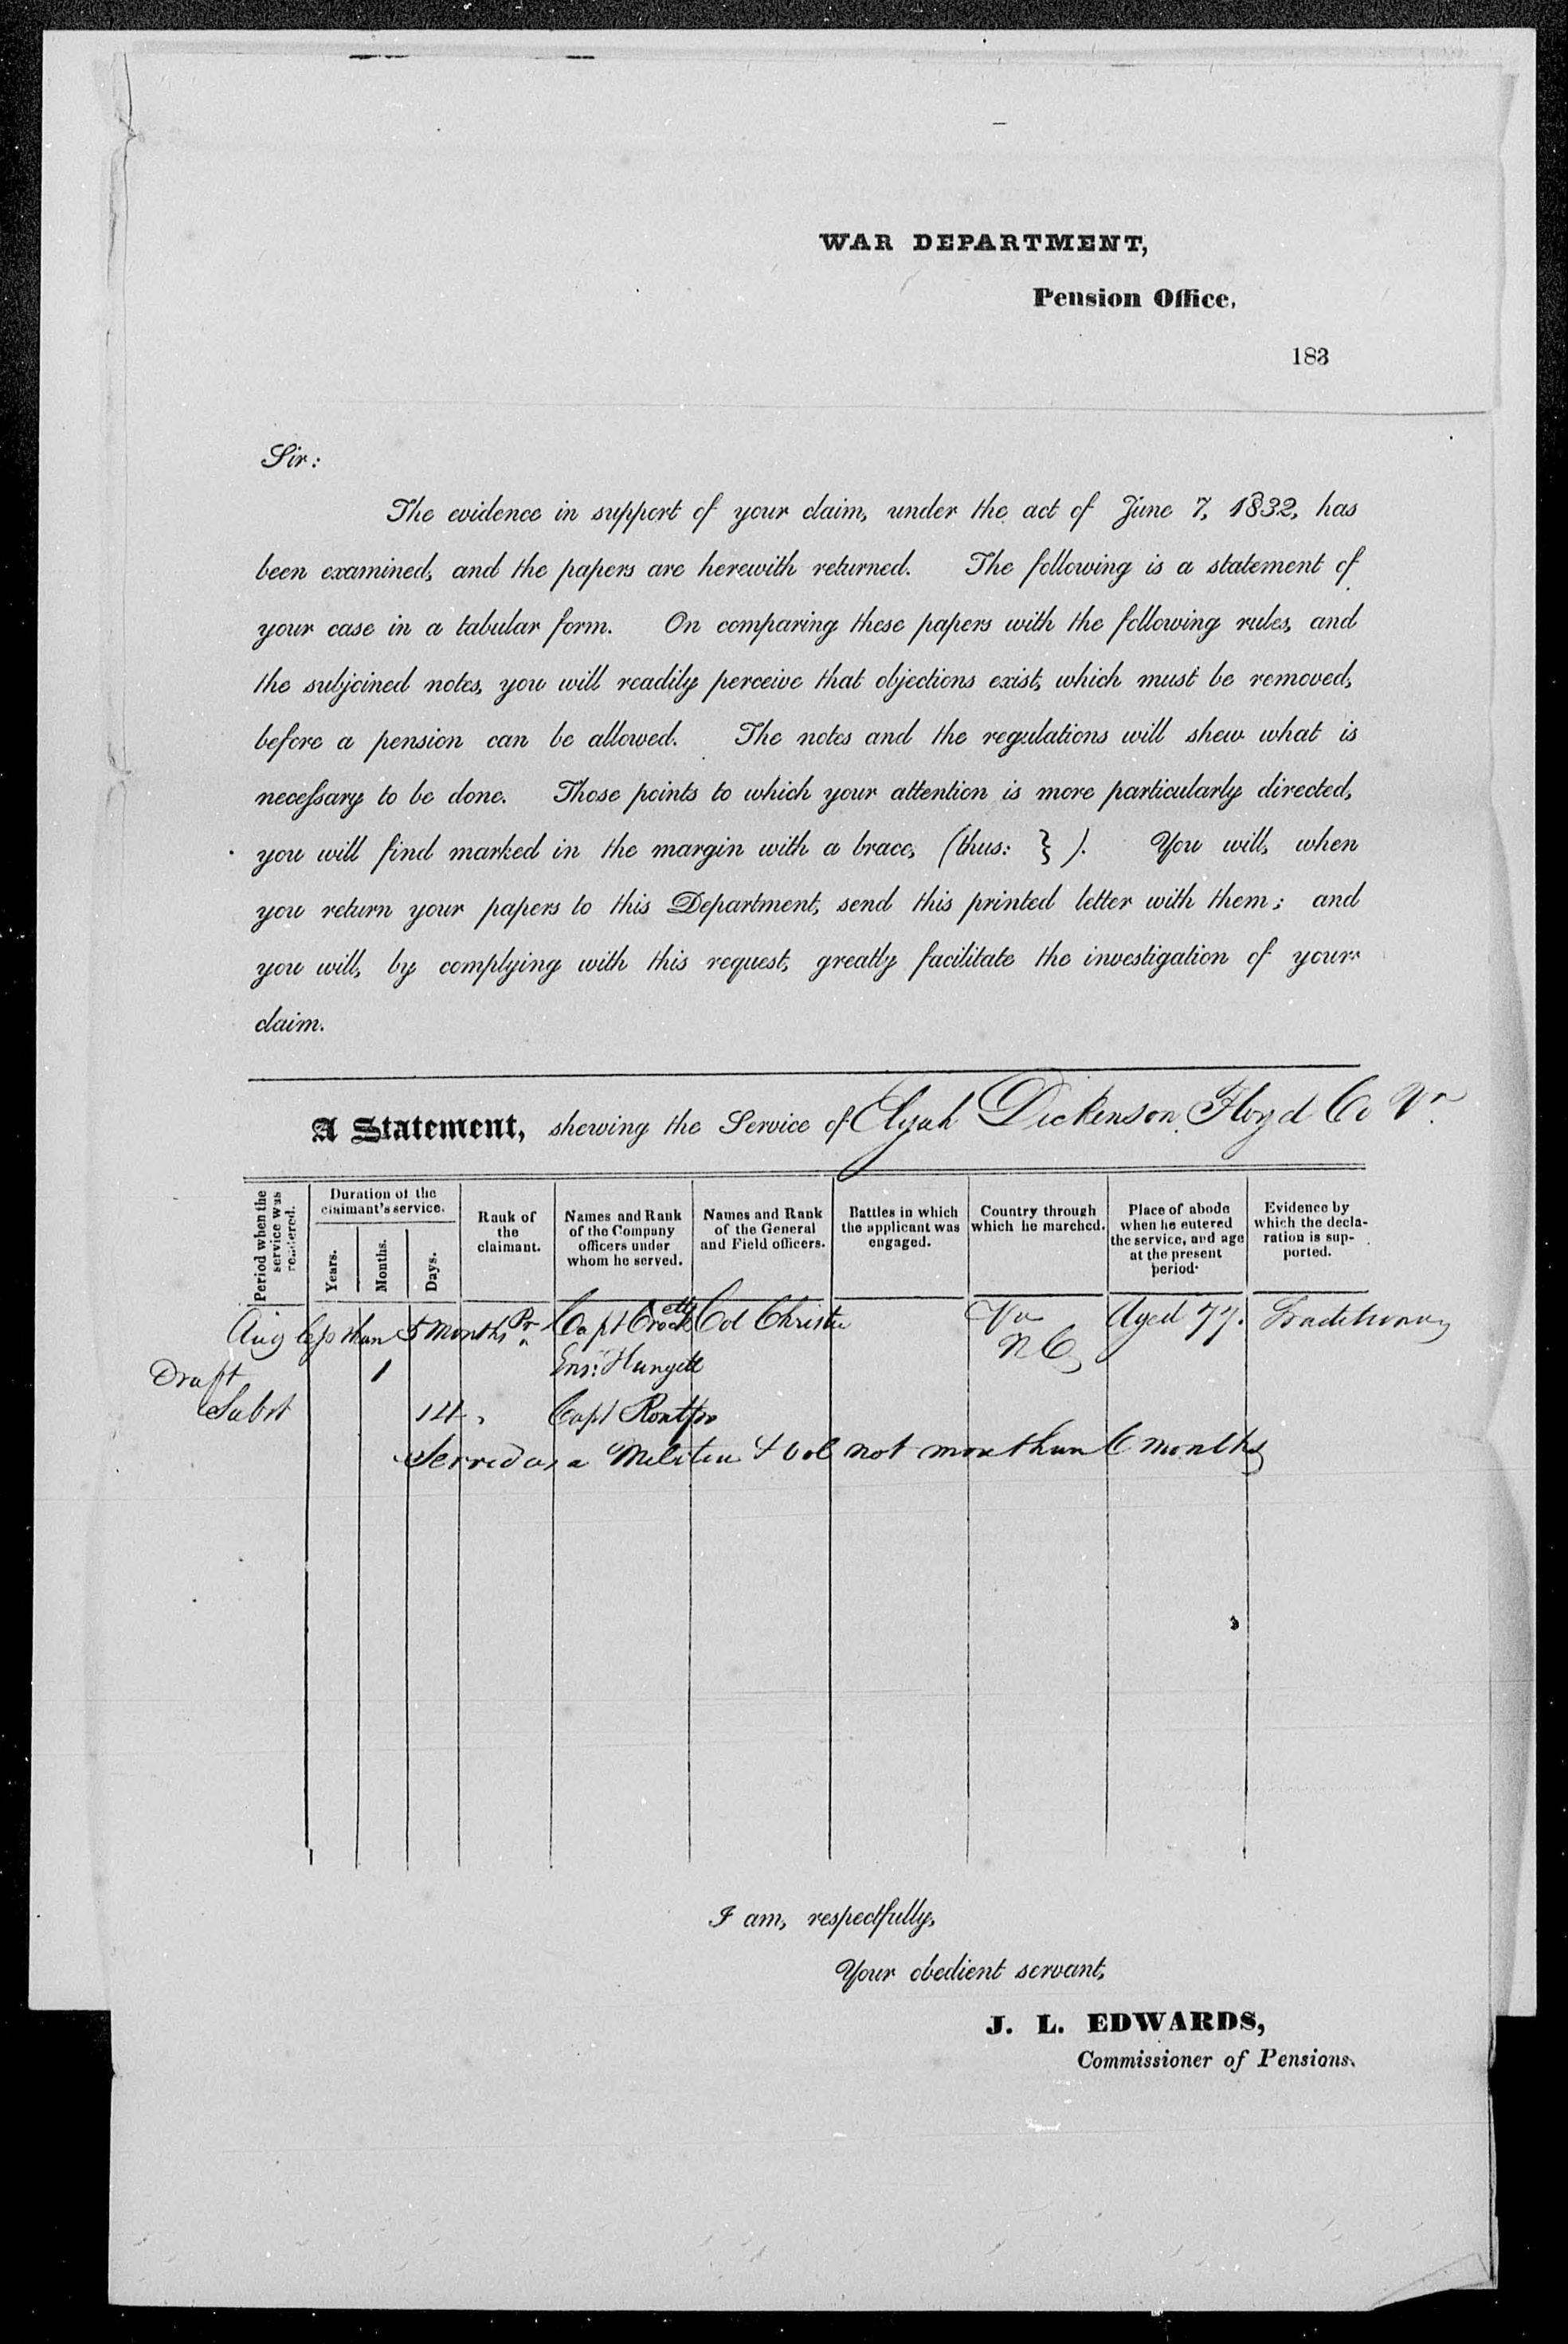WAR DEPARTMENT,
Pension Office.
183

Sir:
The evidence in support of your claim, under the act of June 7, 1832, has been examined, and the papers are herewith returned. The following is a statement of your case in a tabular form. On comparing these papers with the following rules, and the subjoined notes, you will readily perceive that objections exist, which must be removed, before a pension can be allowed. The notes and the regulations will show what is necessary to be done. Those points to which your attention is more particularly directed, you will find marked in the margin with a brace, (thus: }). You will, when you return your papers to this Department, send this printed letter with them; and you will, by complying with this request, greatly facilitate the investigation of your claim.
______________________________________________
A Statement, showing the Service of Elijah Dickenson Floyd Co Va
Period when the service was rendered.
Aug
Draft
Subst
Duration of the claimant's service.
Years. 
Months. 1
Days.
less than 5 months
Rank of the claimant.
Pr
Names and Rank of the Company officers under whom he served.
Capt Crockett
Ens: Hungett
Capt Rentfro
Name and Rank of the General and Field officers.
Col Christie
Battles in which the applicant was engaged.
Country through which he marched.
Va
NC
Place of abode where he entered the service, and age at the present period.
Aged 77.
Evidence by which the declaration is supported.
Traditionary

Served as a Militia & vol not more than 6 months

I am, respectfully,
Your obedient servant,
J. L. EDWARDS,
Commissioner of Pensions.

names: Christie, Rentfro, Elijah Dickenson, J L Edwards, Hungett, Crockett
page: 8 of 12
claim: survivor's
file: S. 6796, Elijah Dickenson, Va.